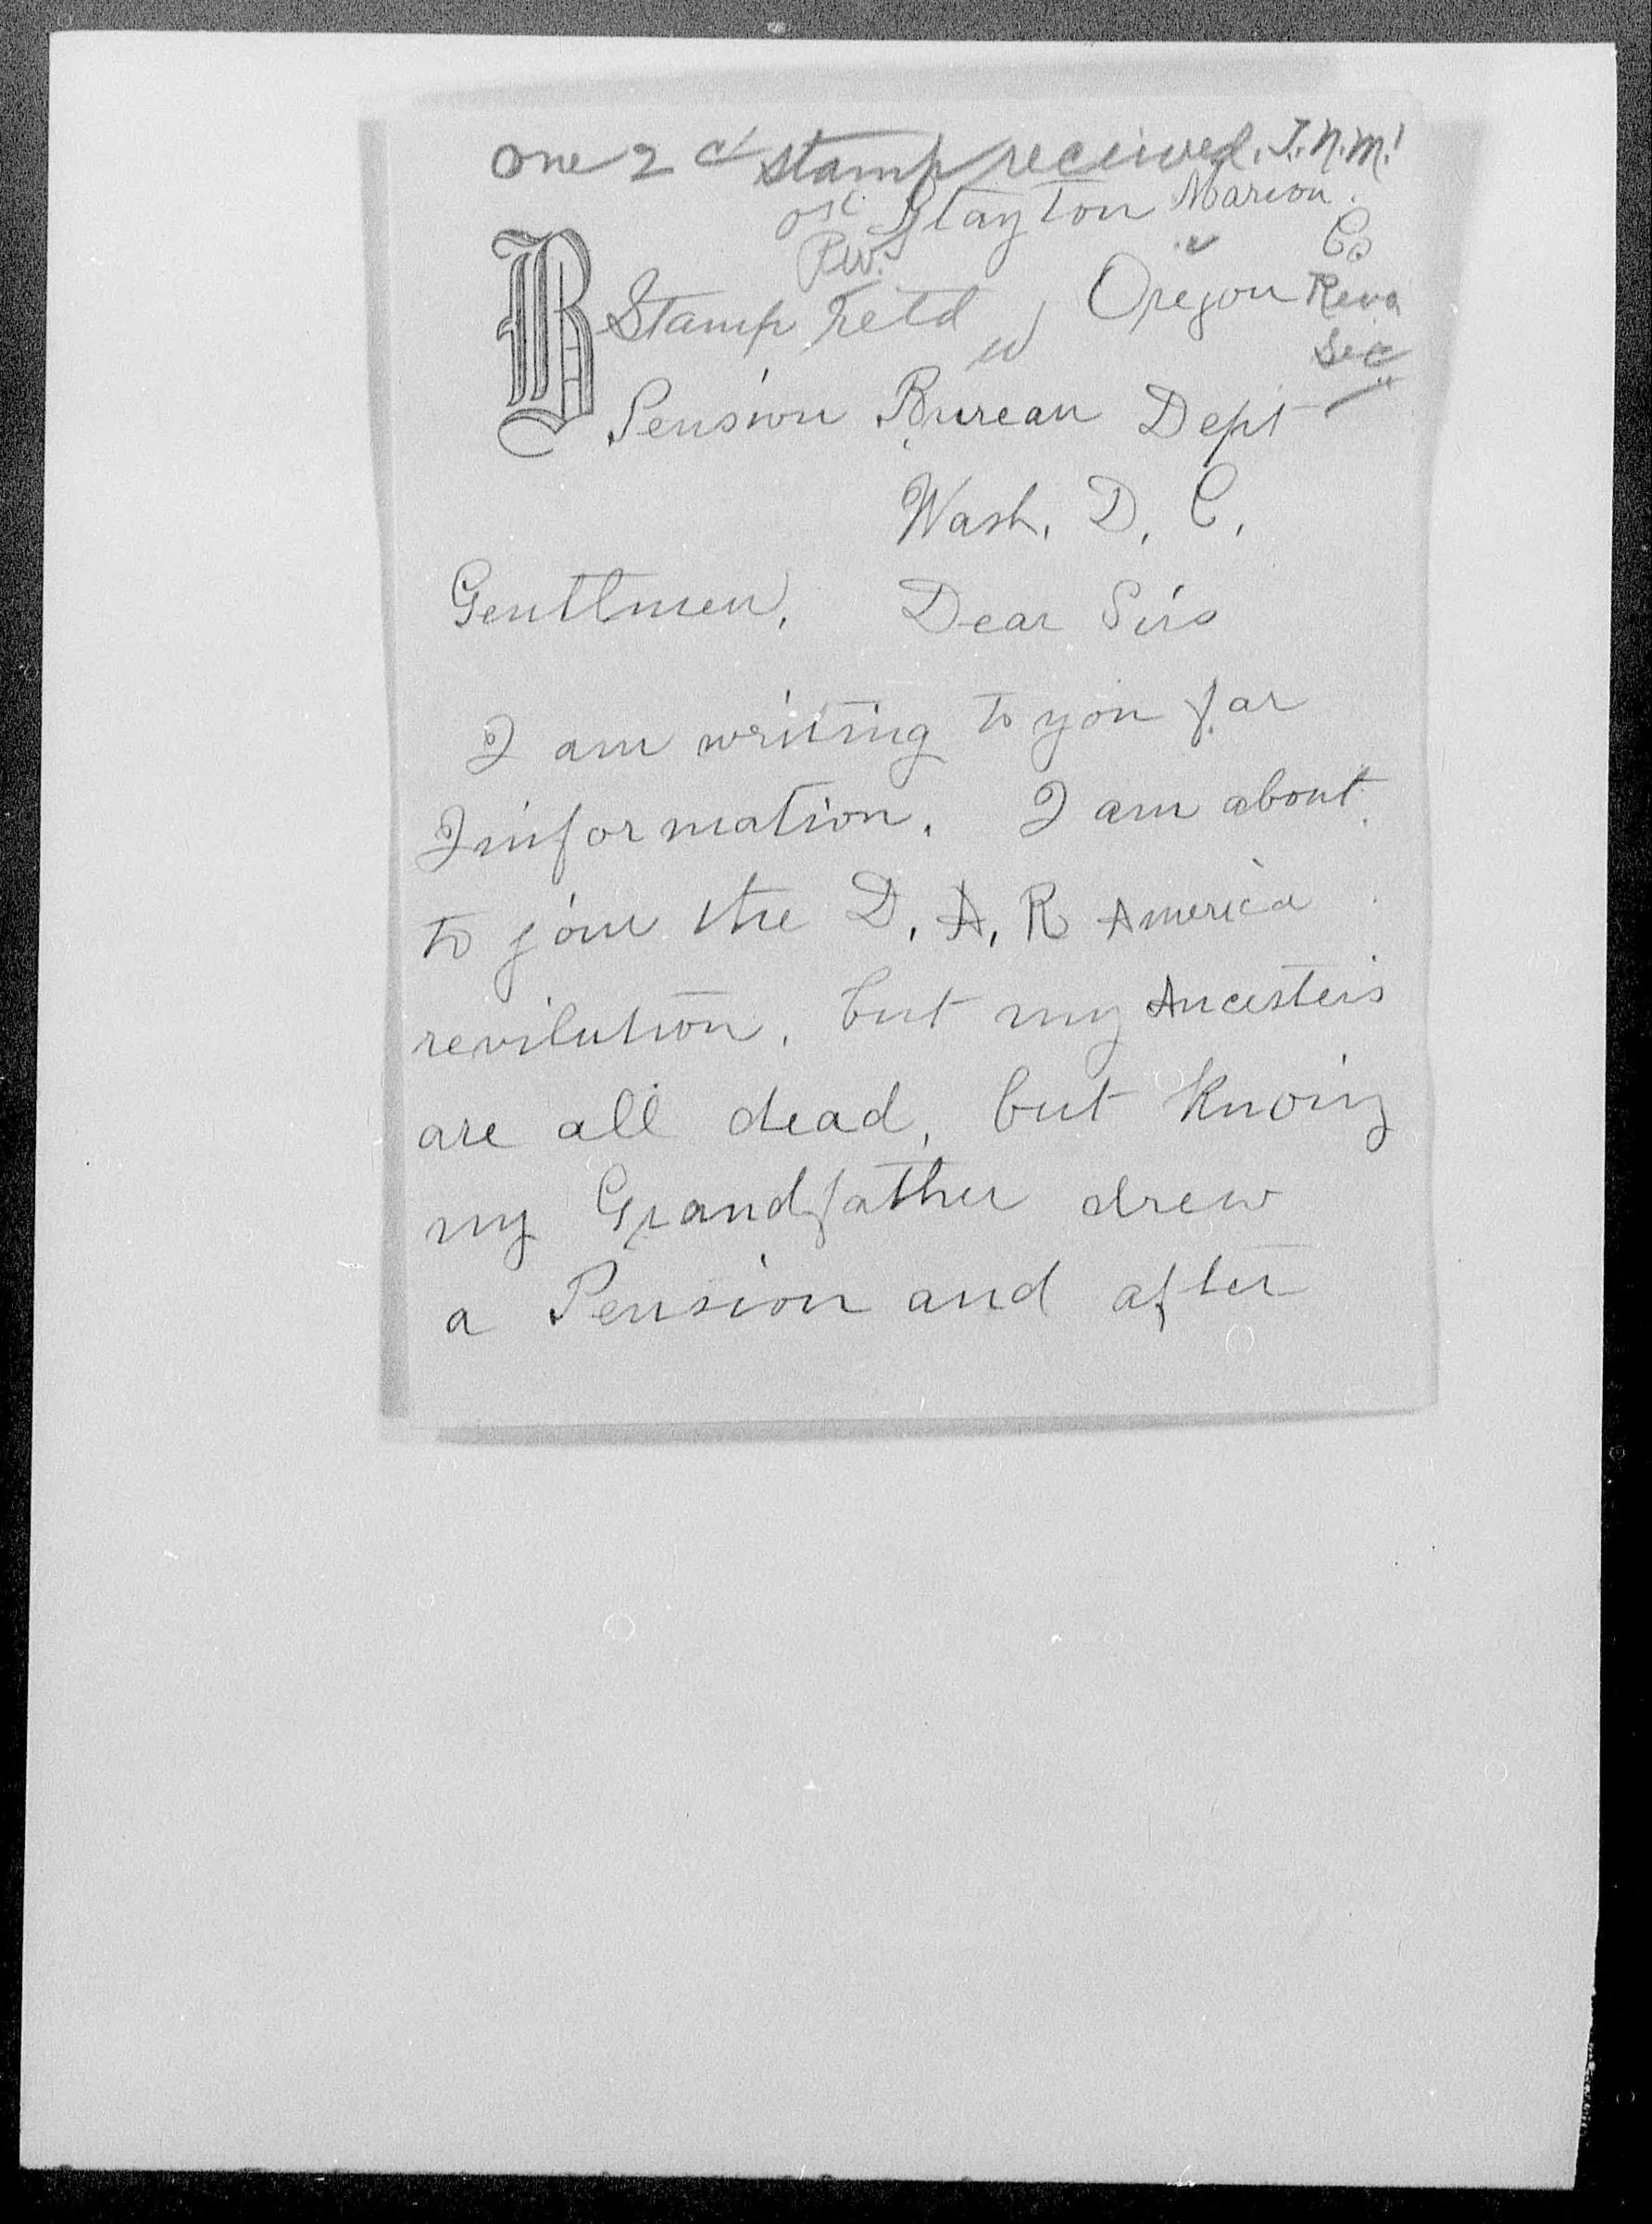one 2ct stamp received, J.N.M. 
Stayton Marion Co Oregon
Osc, Rev. Stamp held  Revo sec
Pension Burean Dept 
Wash. D.C. 
Gentlmen, 
Dear Sirs 
I am writing to you for information. I am about join the D.A.R. America revolution but my Ancesters are all dead, but knoing my Grandfather drew a Pension and after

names: Stayton Marion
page: 58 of 66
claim: widow's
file: W. 6637, Richard Caslar, New York